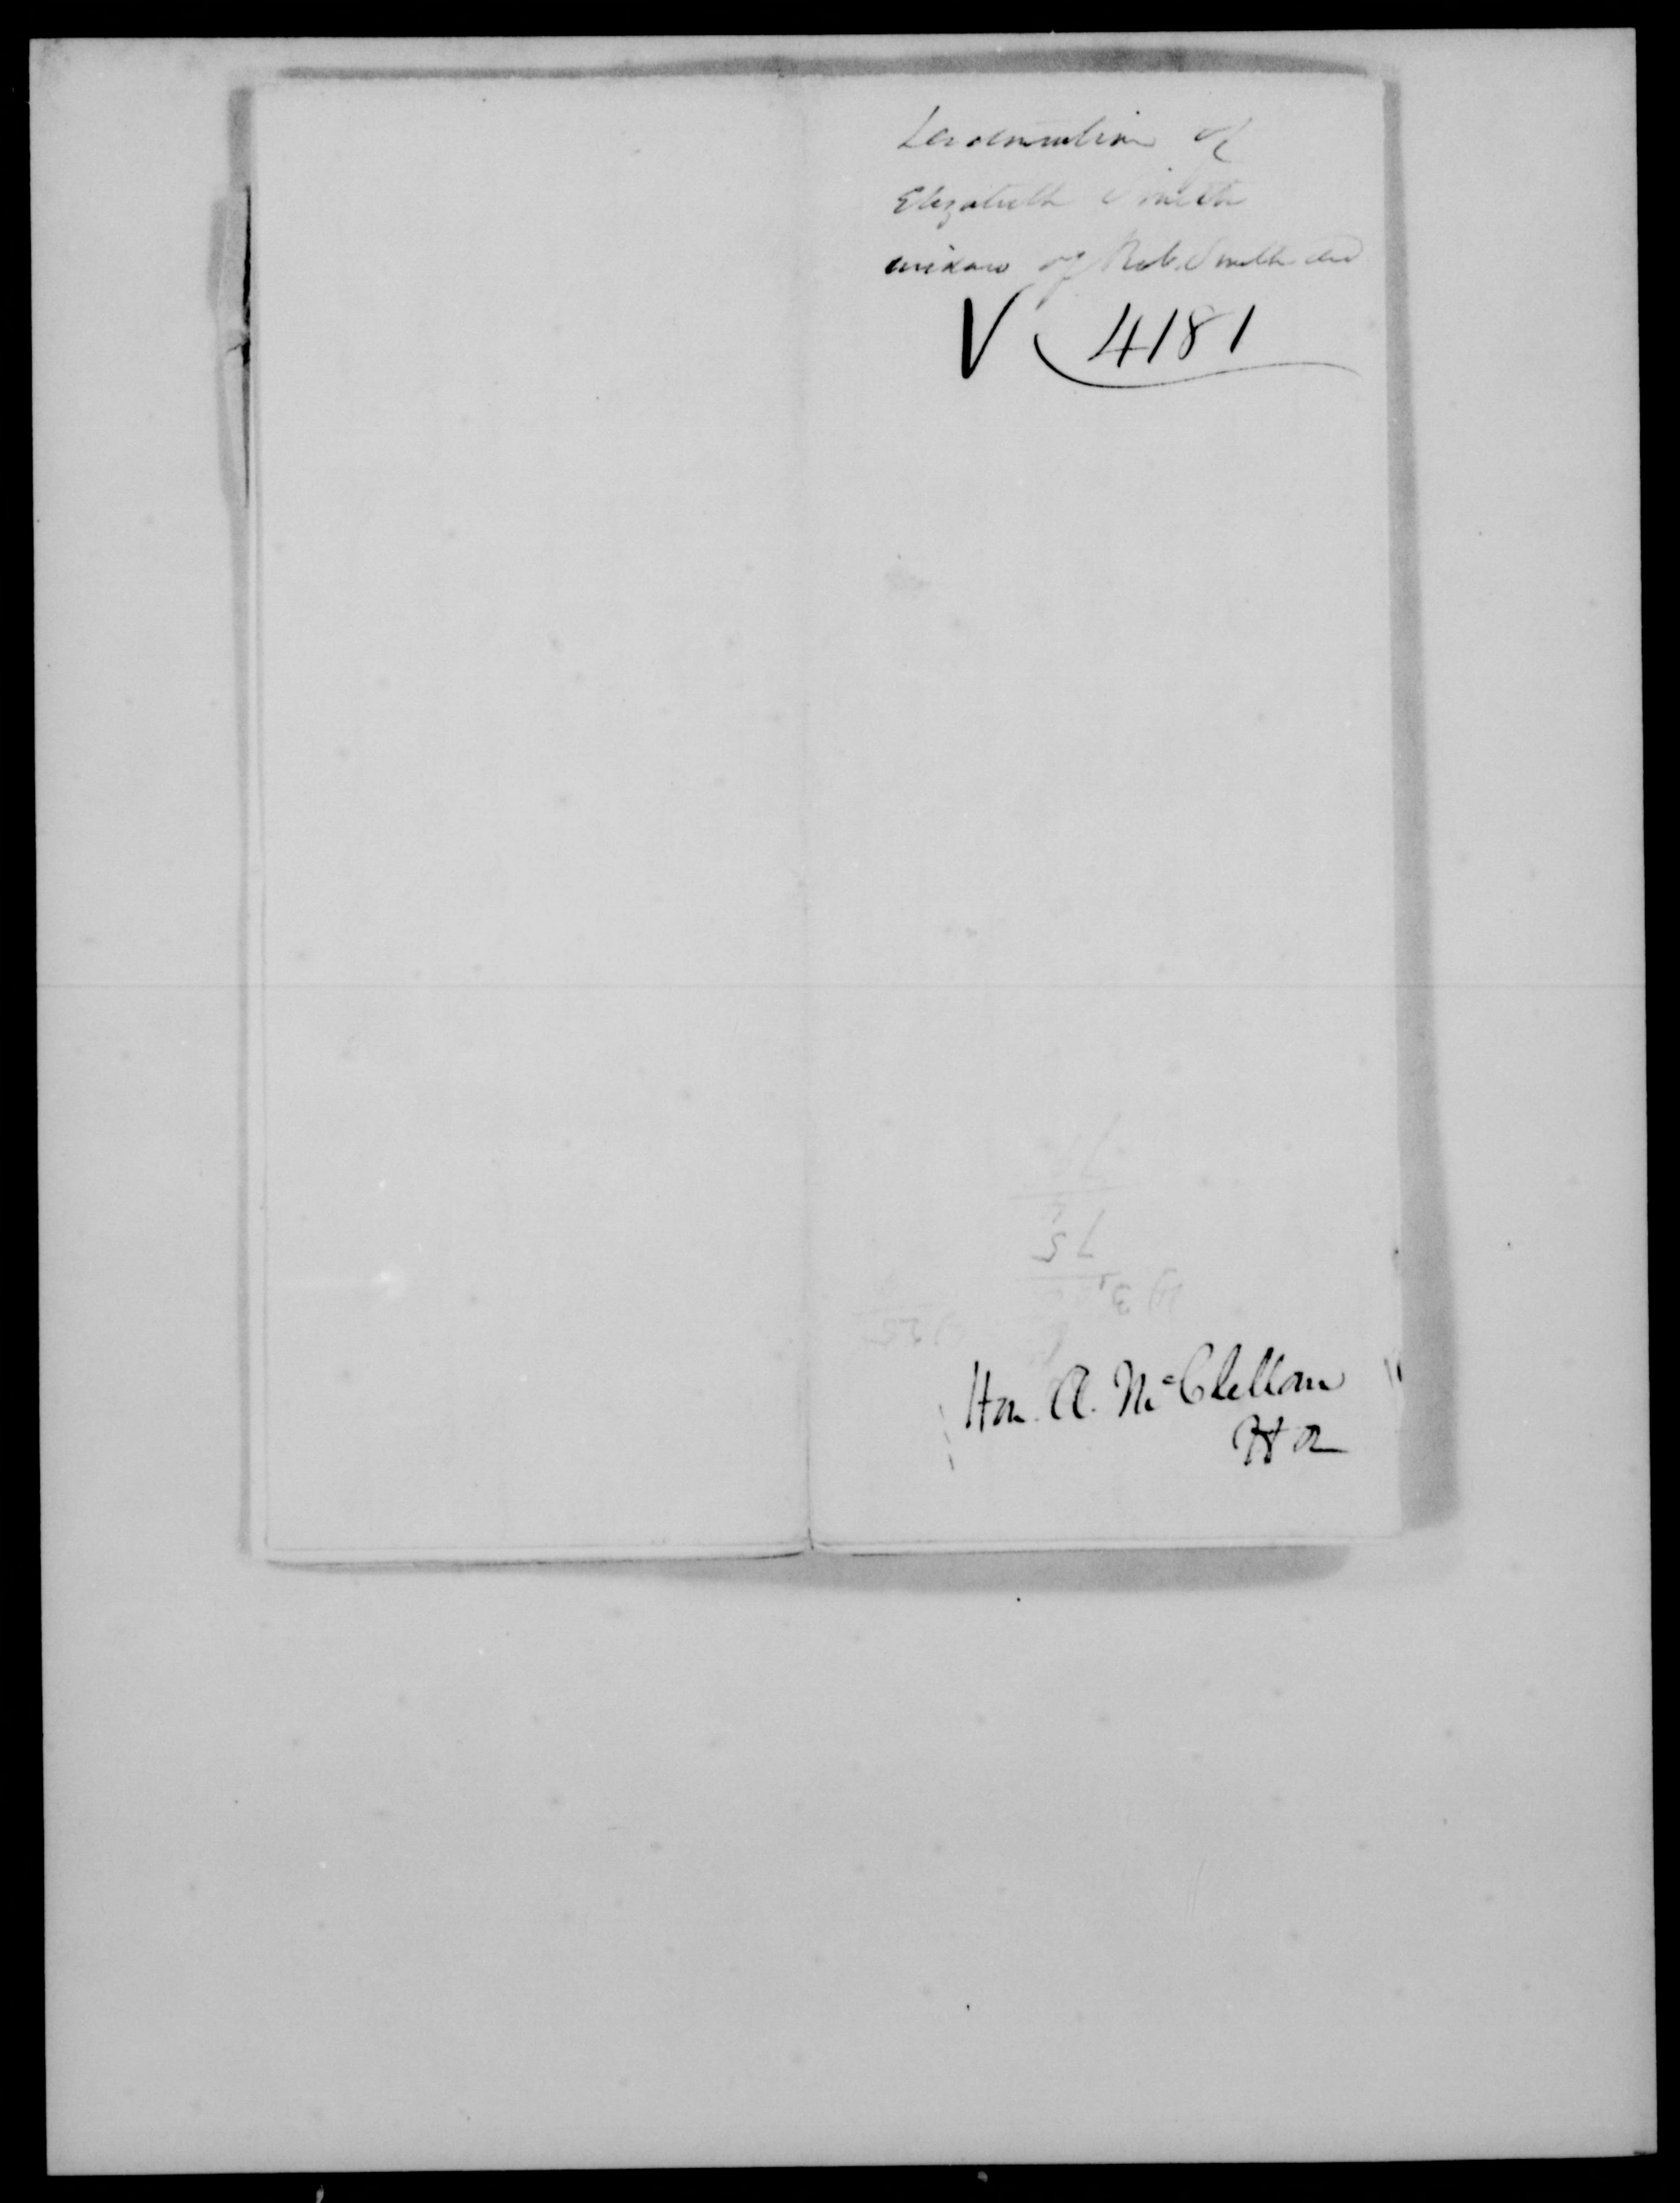Declaration of
Elizabeth Smith
widow of Rob Smith did

4181
to
Hon. A. Mc Clellan
H R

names: Rob Smith; A Mc Clellan; Elizabeth Smith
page: 11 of 79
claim: widow's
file: W. 1504, for Robert Smith, North Carolina